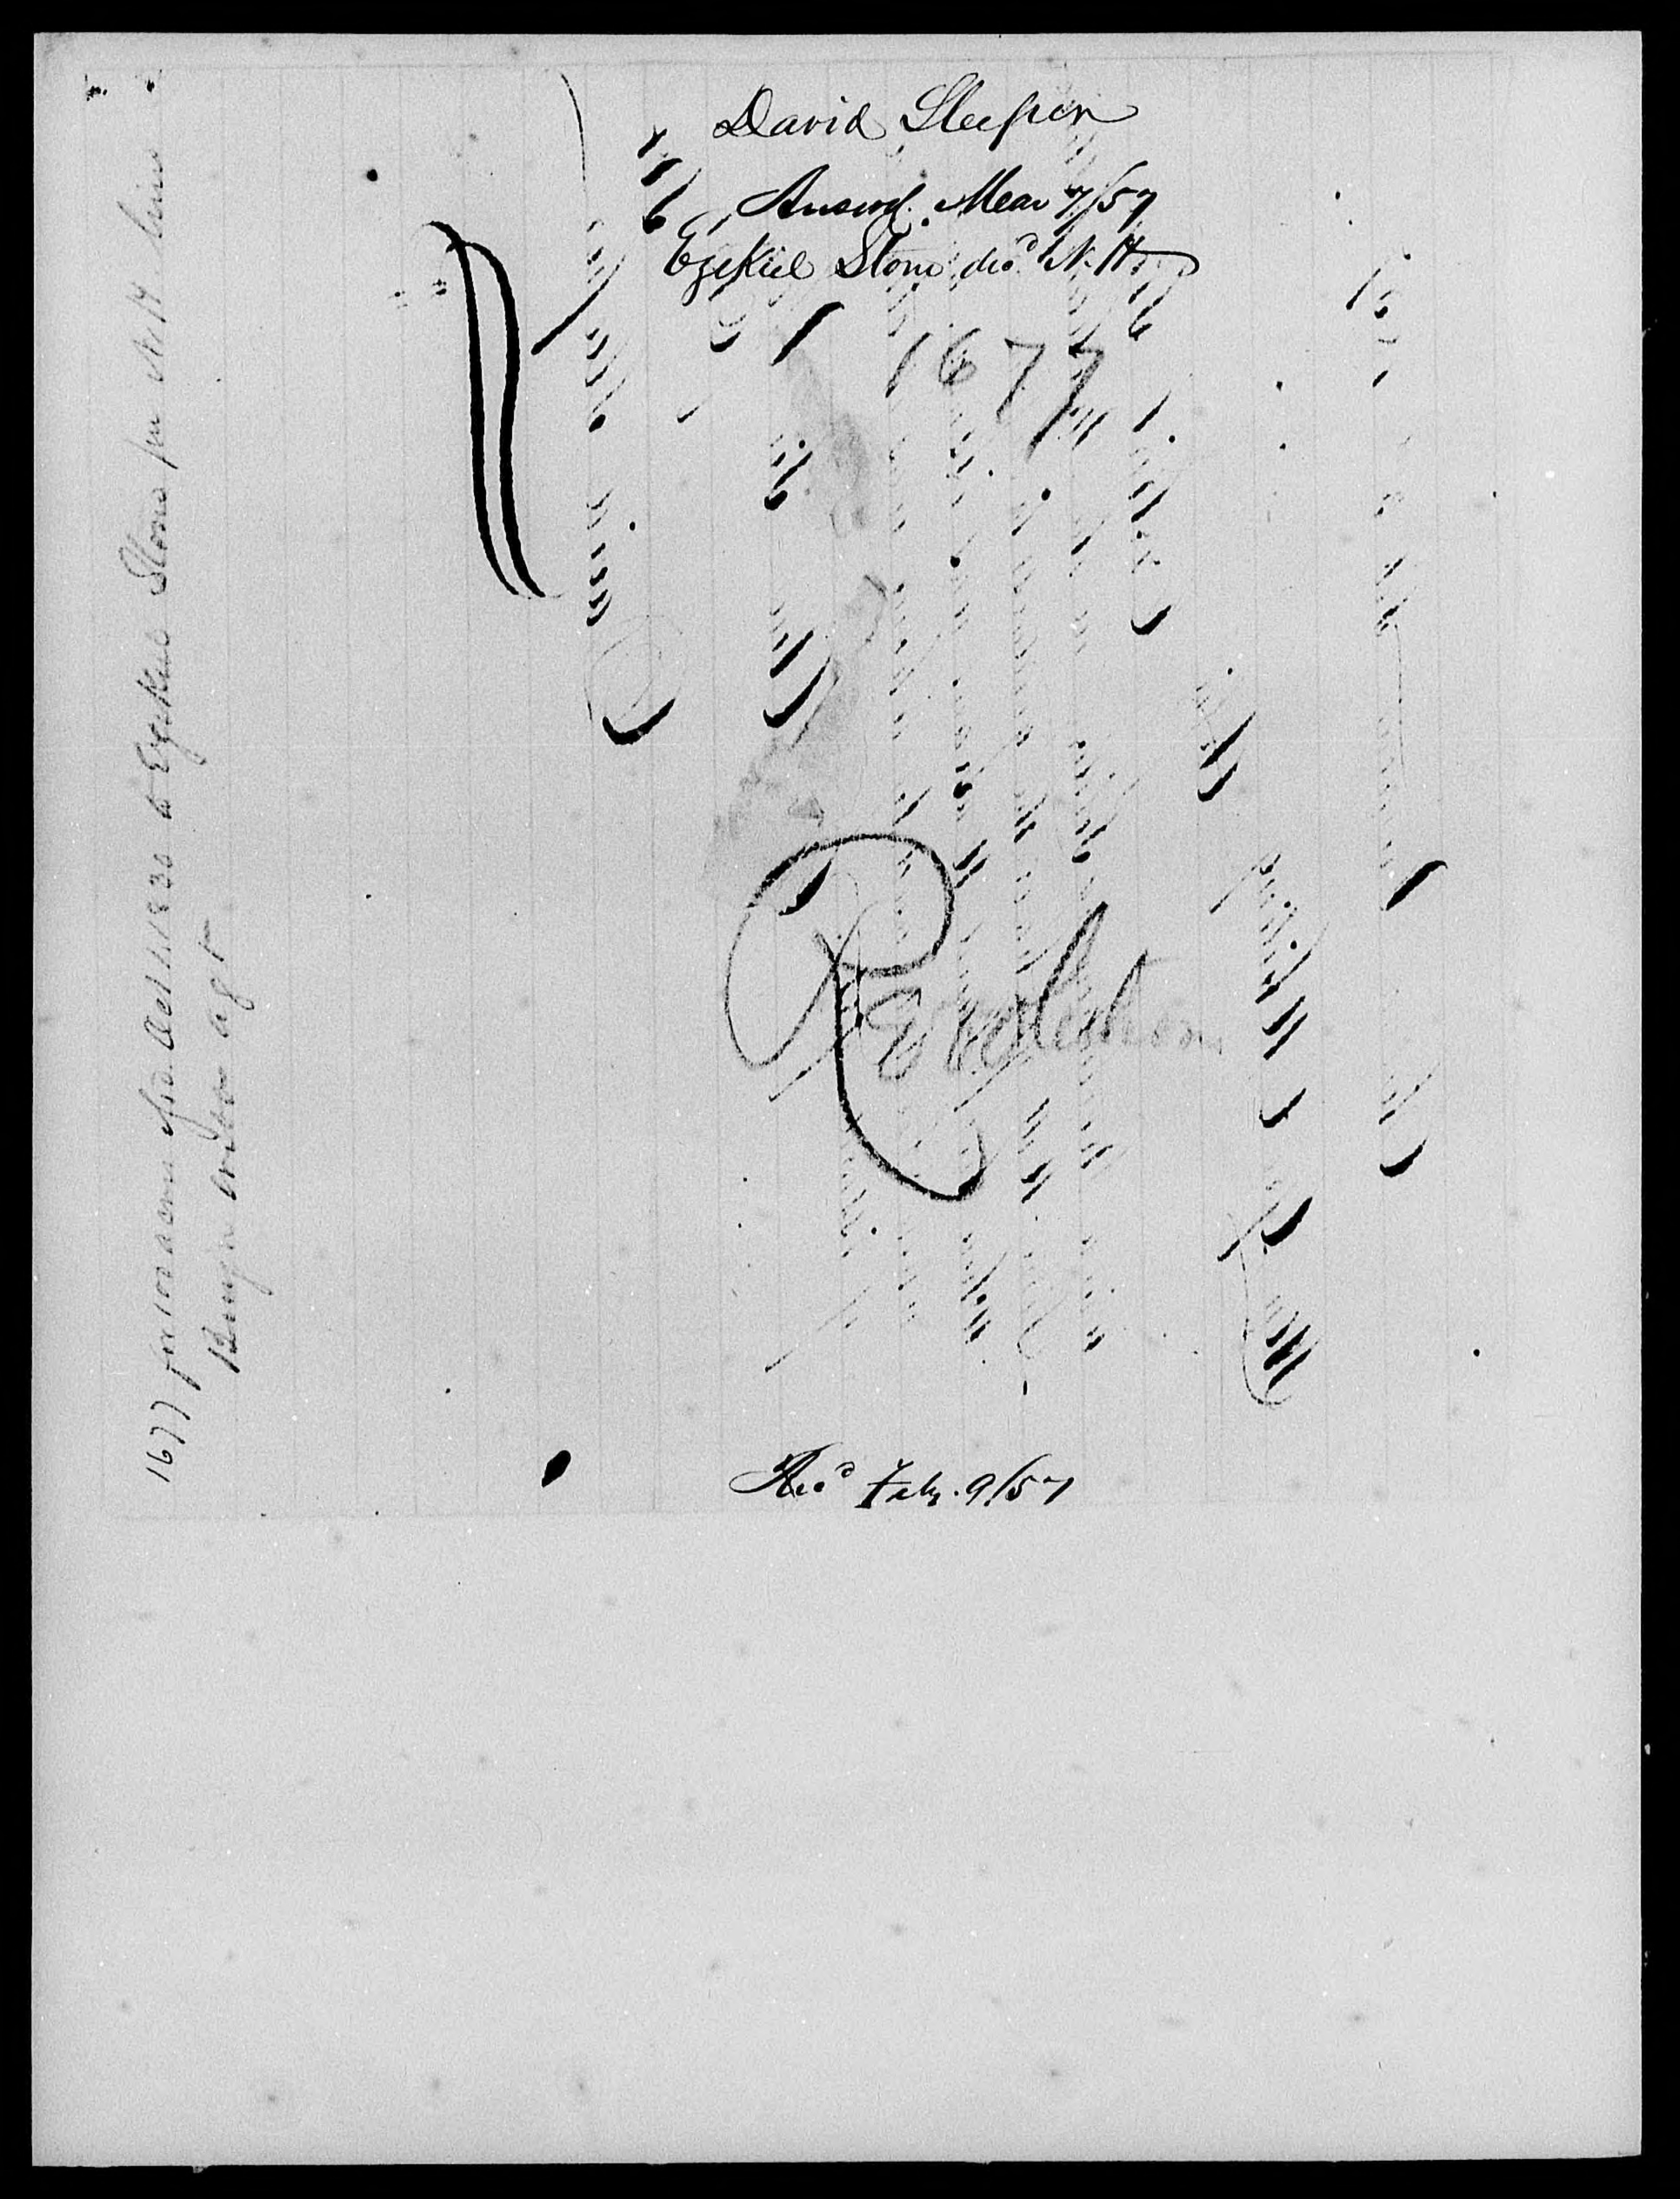David Sleeper
Answd  Mar 7 / 57

Ezekiel Stone dec'd  N.H.

1677

Revolution

Rec'd  Feby 9 / 57

[written vertically on left side of page]

1677 for 100 acres ifsd. Oct 1, 1830 to Ezekiel Stone fm NH line

Benj'n Grigg  Agt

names: Ezekiel Stone; Ezekiel Stone; David Sleeper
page: 28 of 38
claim: survivor's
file: S. 43181, for Ezekiel Stone, New Hampshire